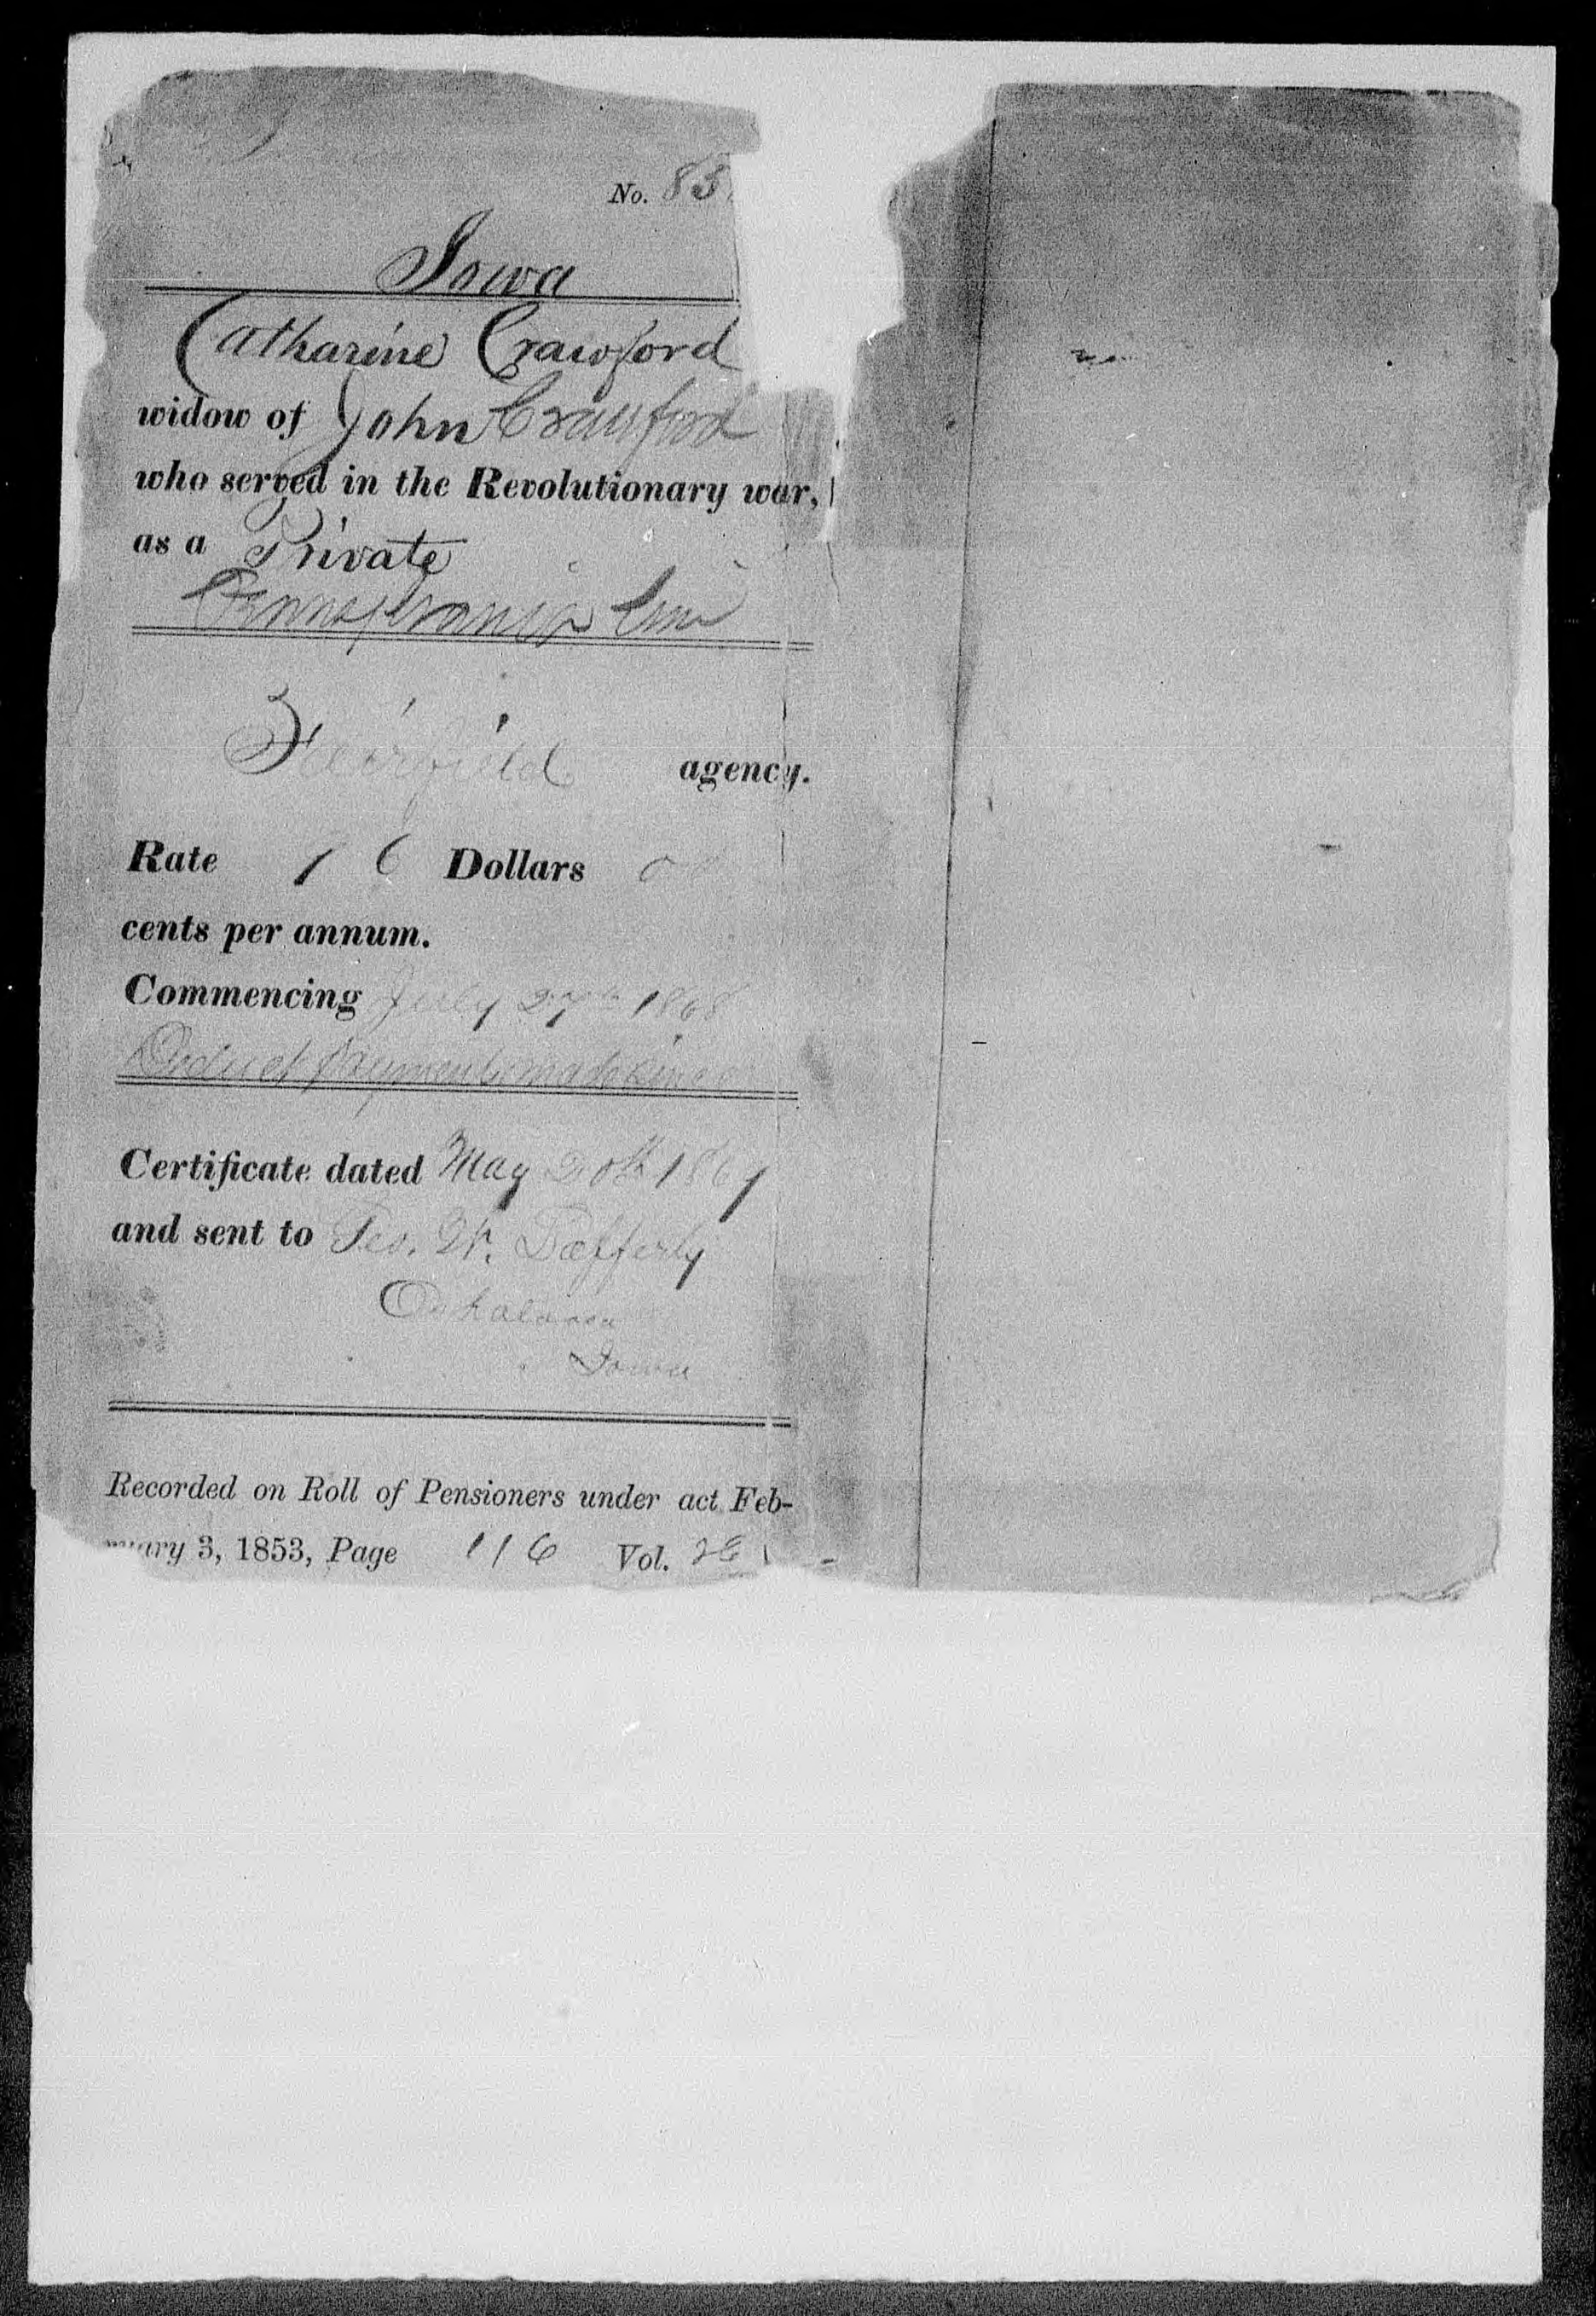No. 85
Iowa
Catharine Crawford widow of John Crawford who served in the Revolutionary war, as a private Pennsylvania

Fairfield agency.
Rate 96 Dollars 0 cents per annum.
Commencing July 27th 1868
Deduct payments made since

Certificate dated May 20th 1869 and sent to Geo. W. Lafferty, Oskaloosa Iowa

Recorded on Roll of Pensioners under act February 3, 1853, Page 116 Vol 26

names: Geo W Lafferty, Catharine Crawford, John Crawford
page: 7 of 80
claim: widow's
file: W 2070, John Crawford, Penn.